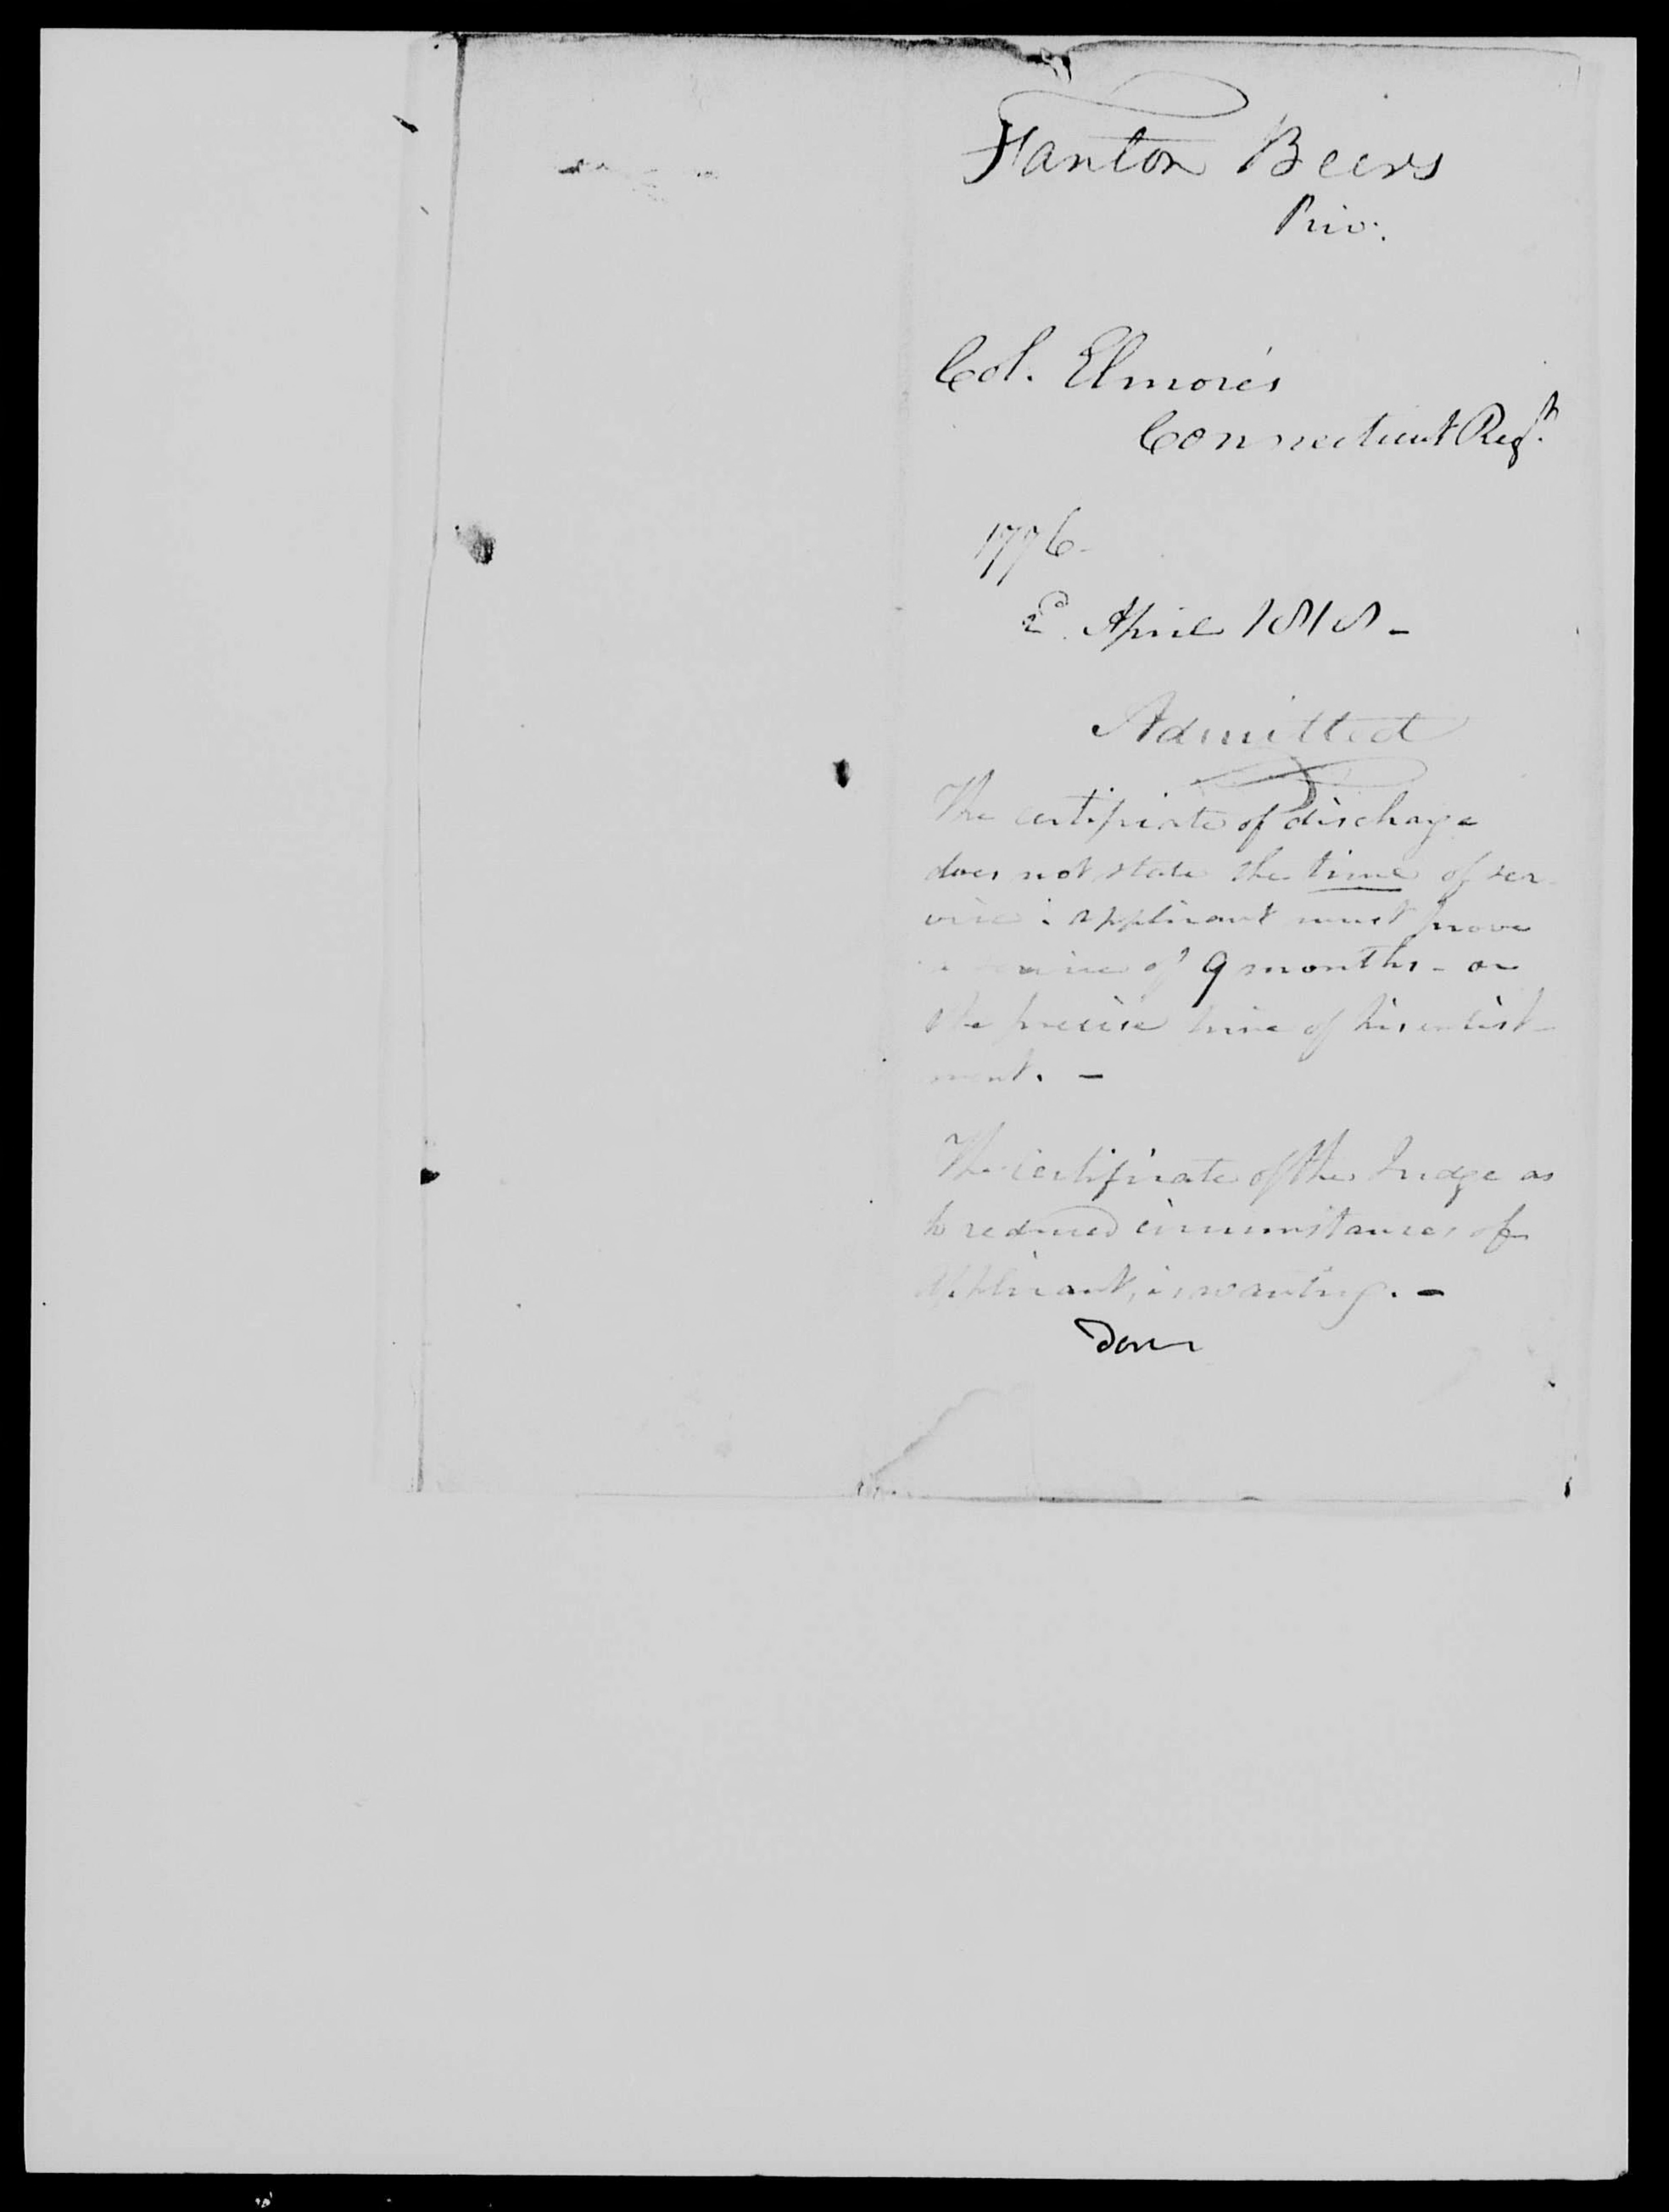Fanton Beers
Priv.


Col. Elmore's 
Connecticut Reg't

1776
s'd. April 1818

Admitted
The certificate of discharge does not state the time of service of applicant, must prove [illegible] of 9 months or the precise time of his enlistments.
The certificate of the Judge as a reduced circumstances of affidavit is [illegible]
[illegible]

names: Elmour, Fanton Beers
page: 19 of 23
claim: survivor's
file: S. 37,750, Fanton Beers, Conn.